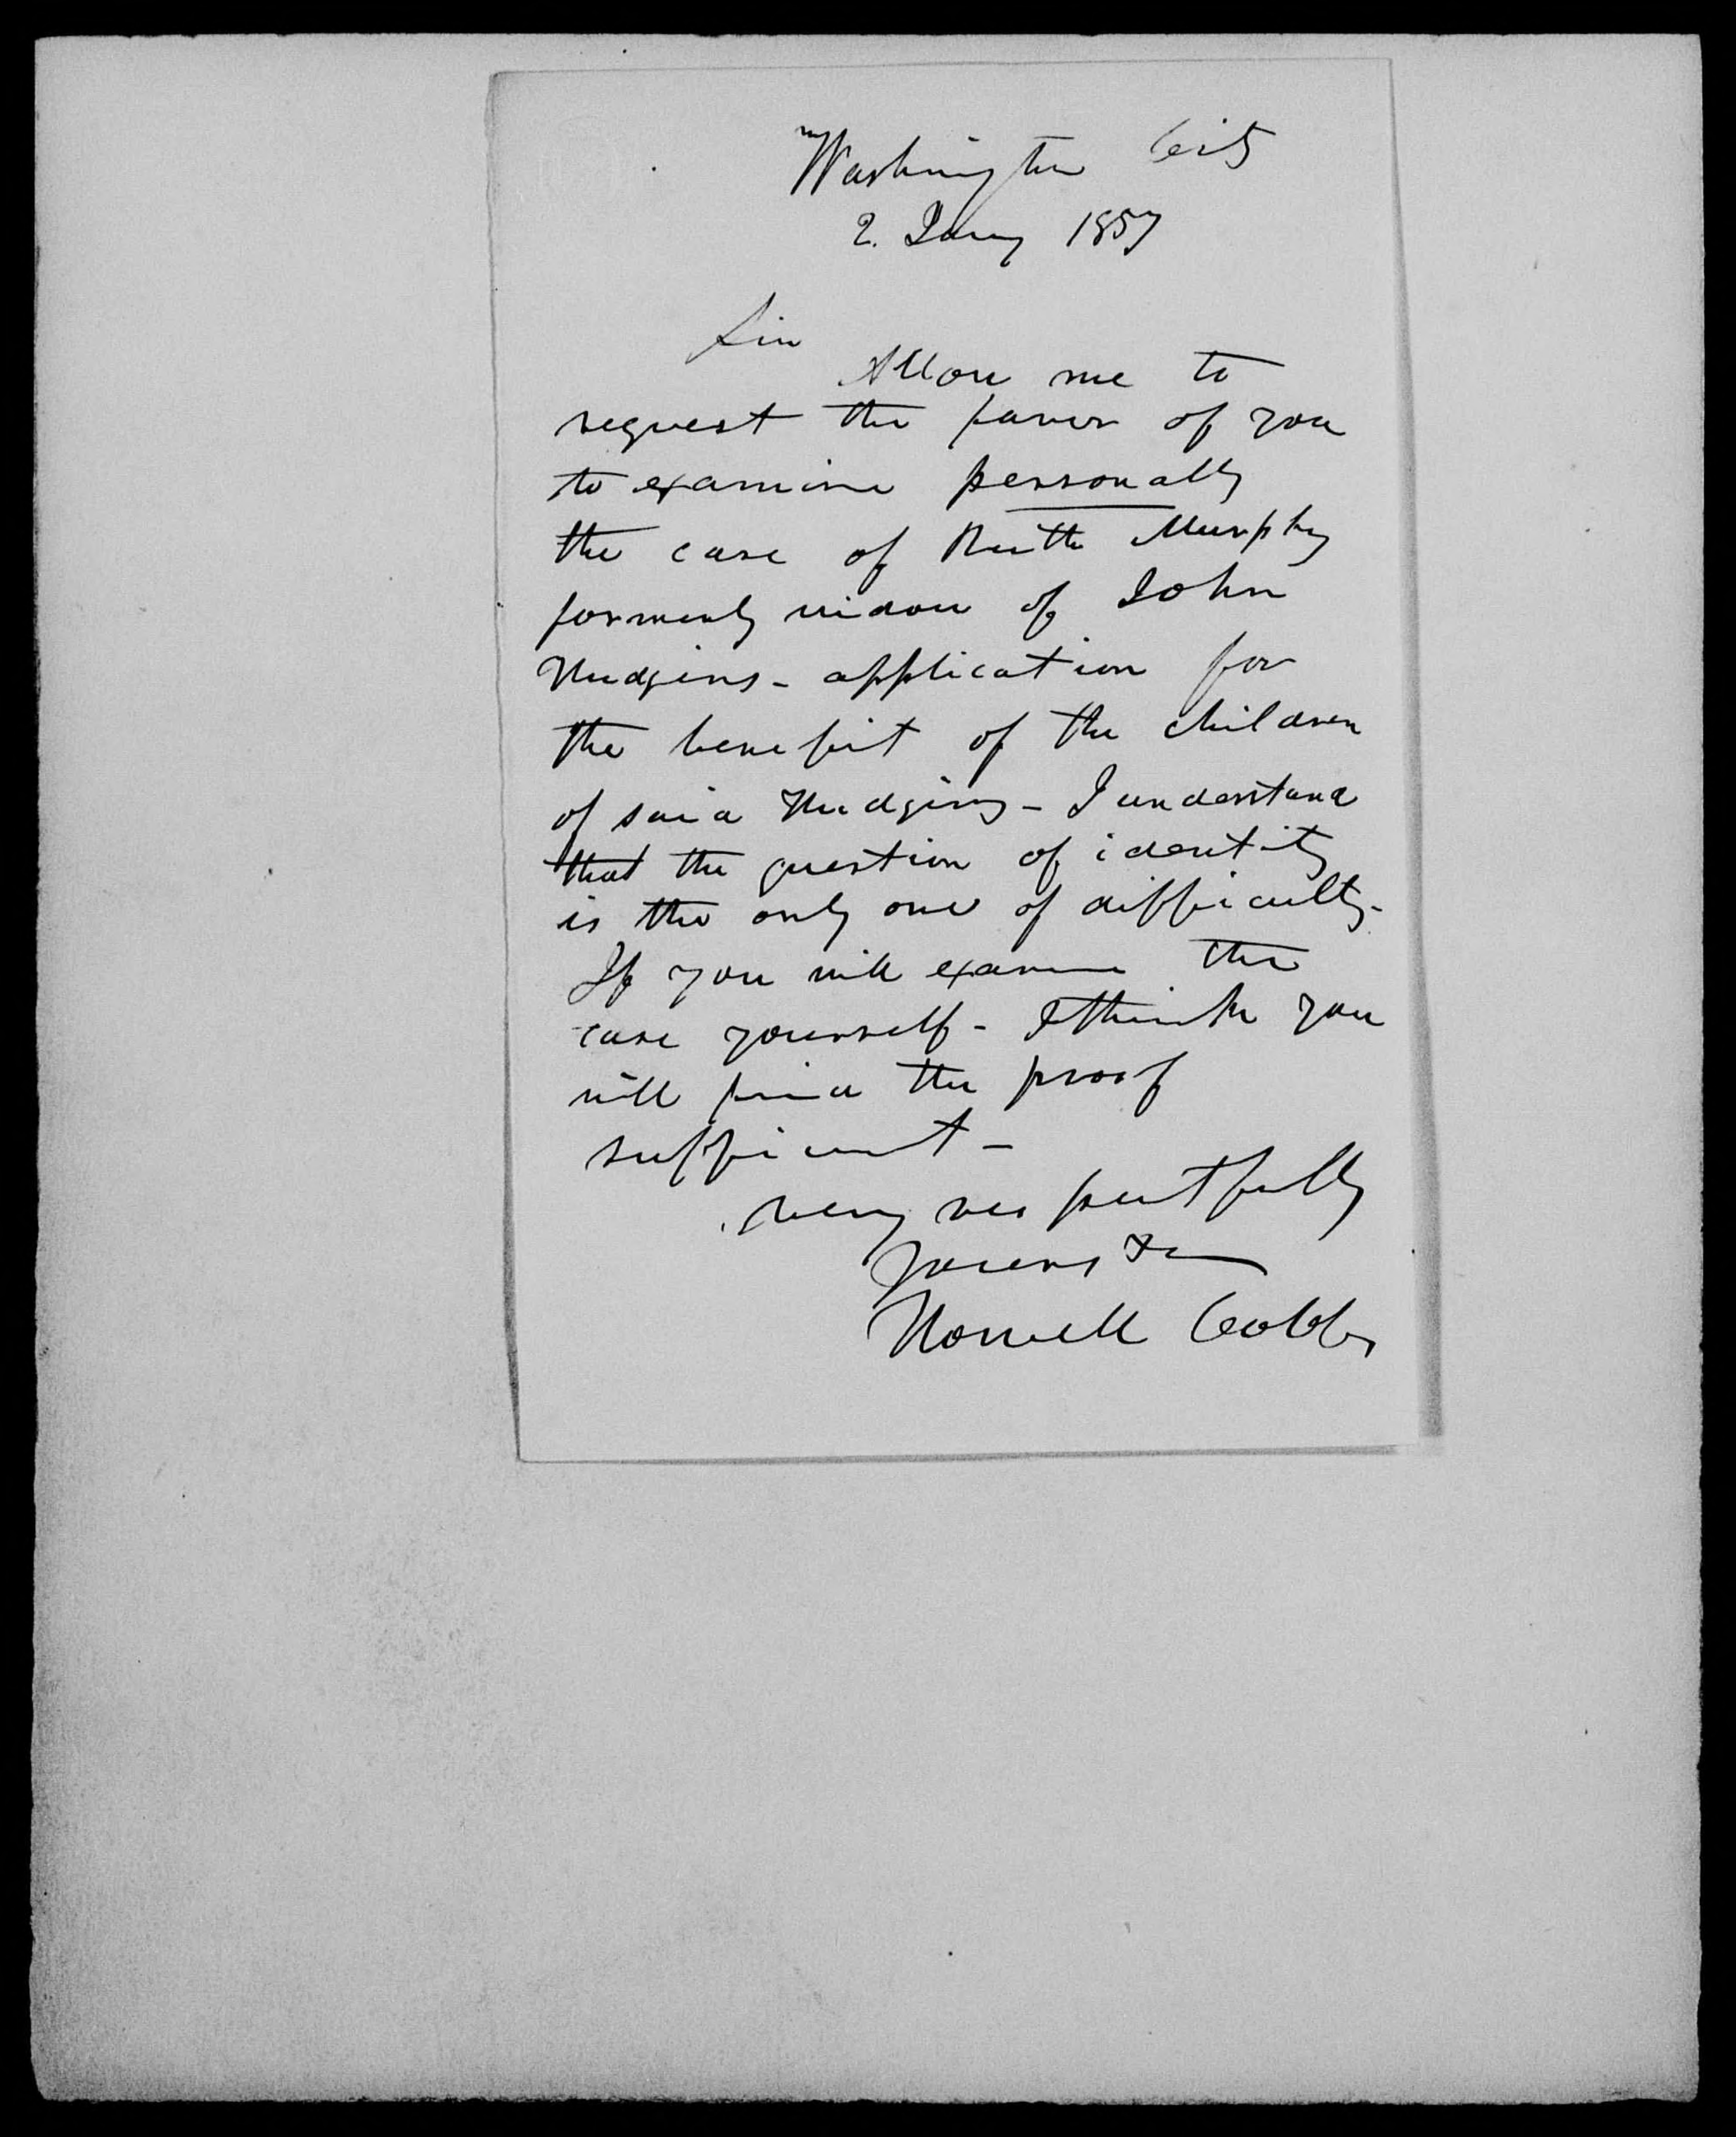Washington D.C.
2 January 1857

Sir
Allow me to request the favor of you to examine Personally (underlined) the case of Ruth Murphy formally widow of John Hudgins - application for the benefit of the (not legible) same Hudgins - I understand that the mention of identity is the only one of a difficulty.
If you will examine the (not legible) yourself. I think you will find the proof sufficient.
Very respectfully
James (not legible)
Howell Cobb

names: Ruth Murphy, John Hudgins, Howell Cobb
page: 26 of 108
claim: rejected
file: R. 7,515, John Hudgins, N.C.